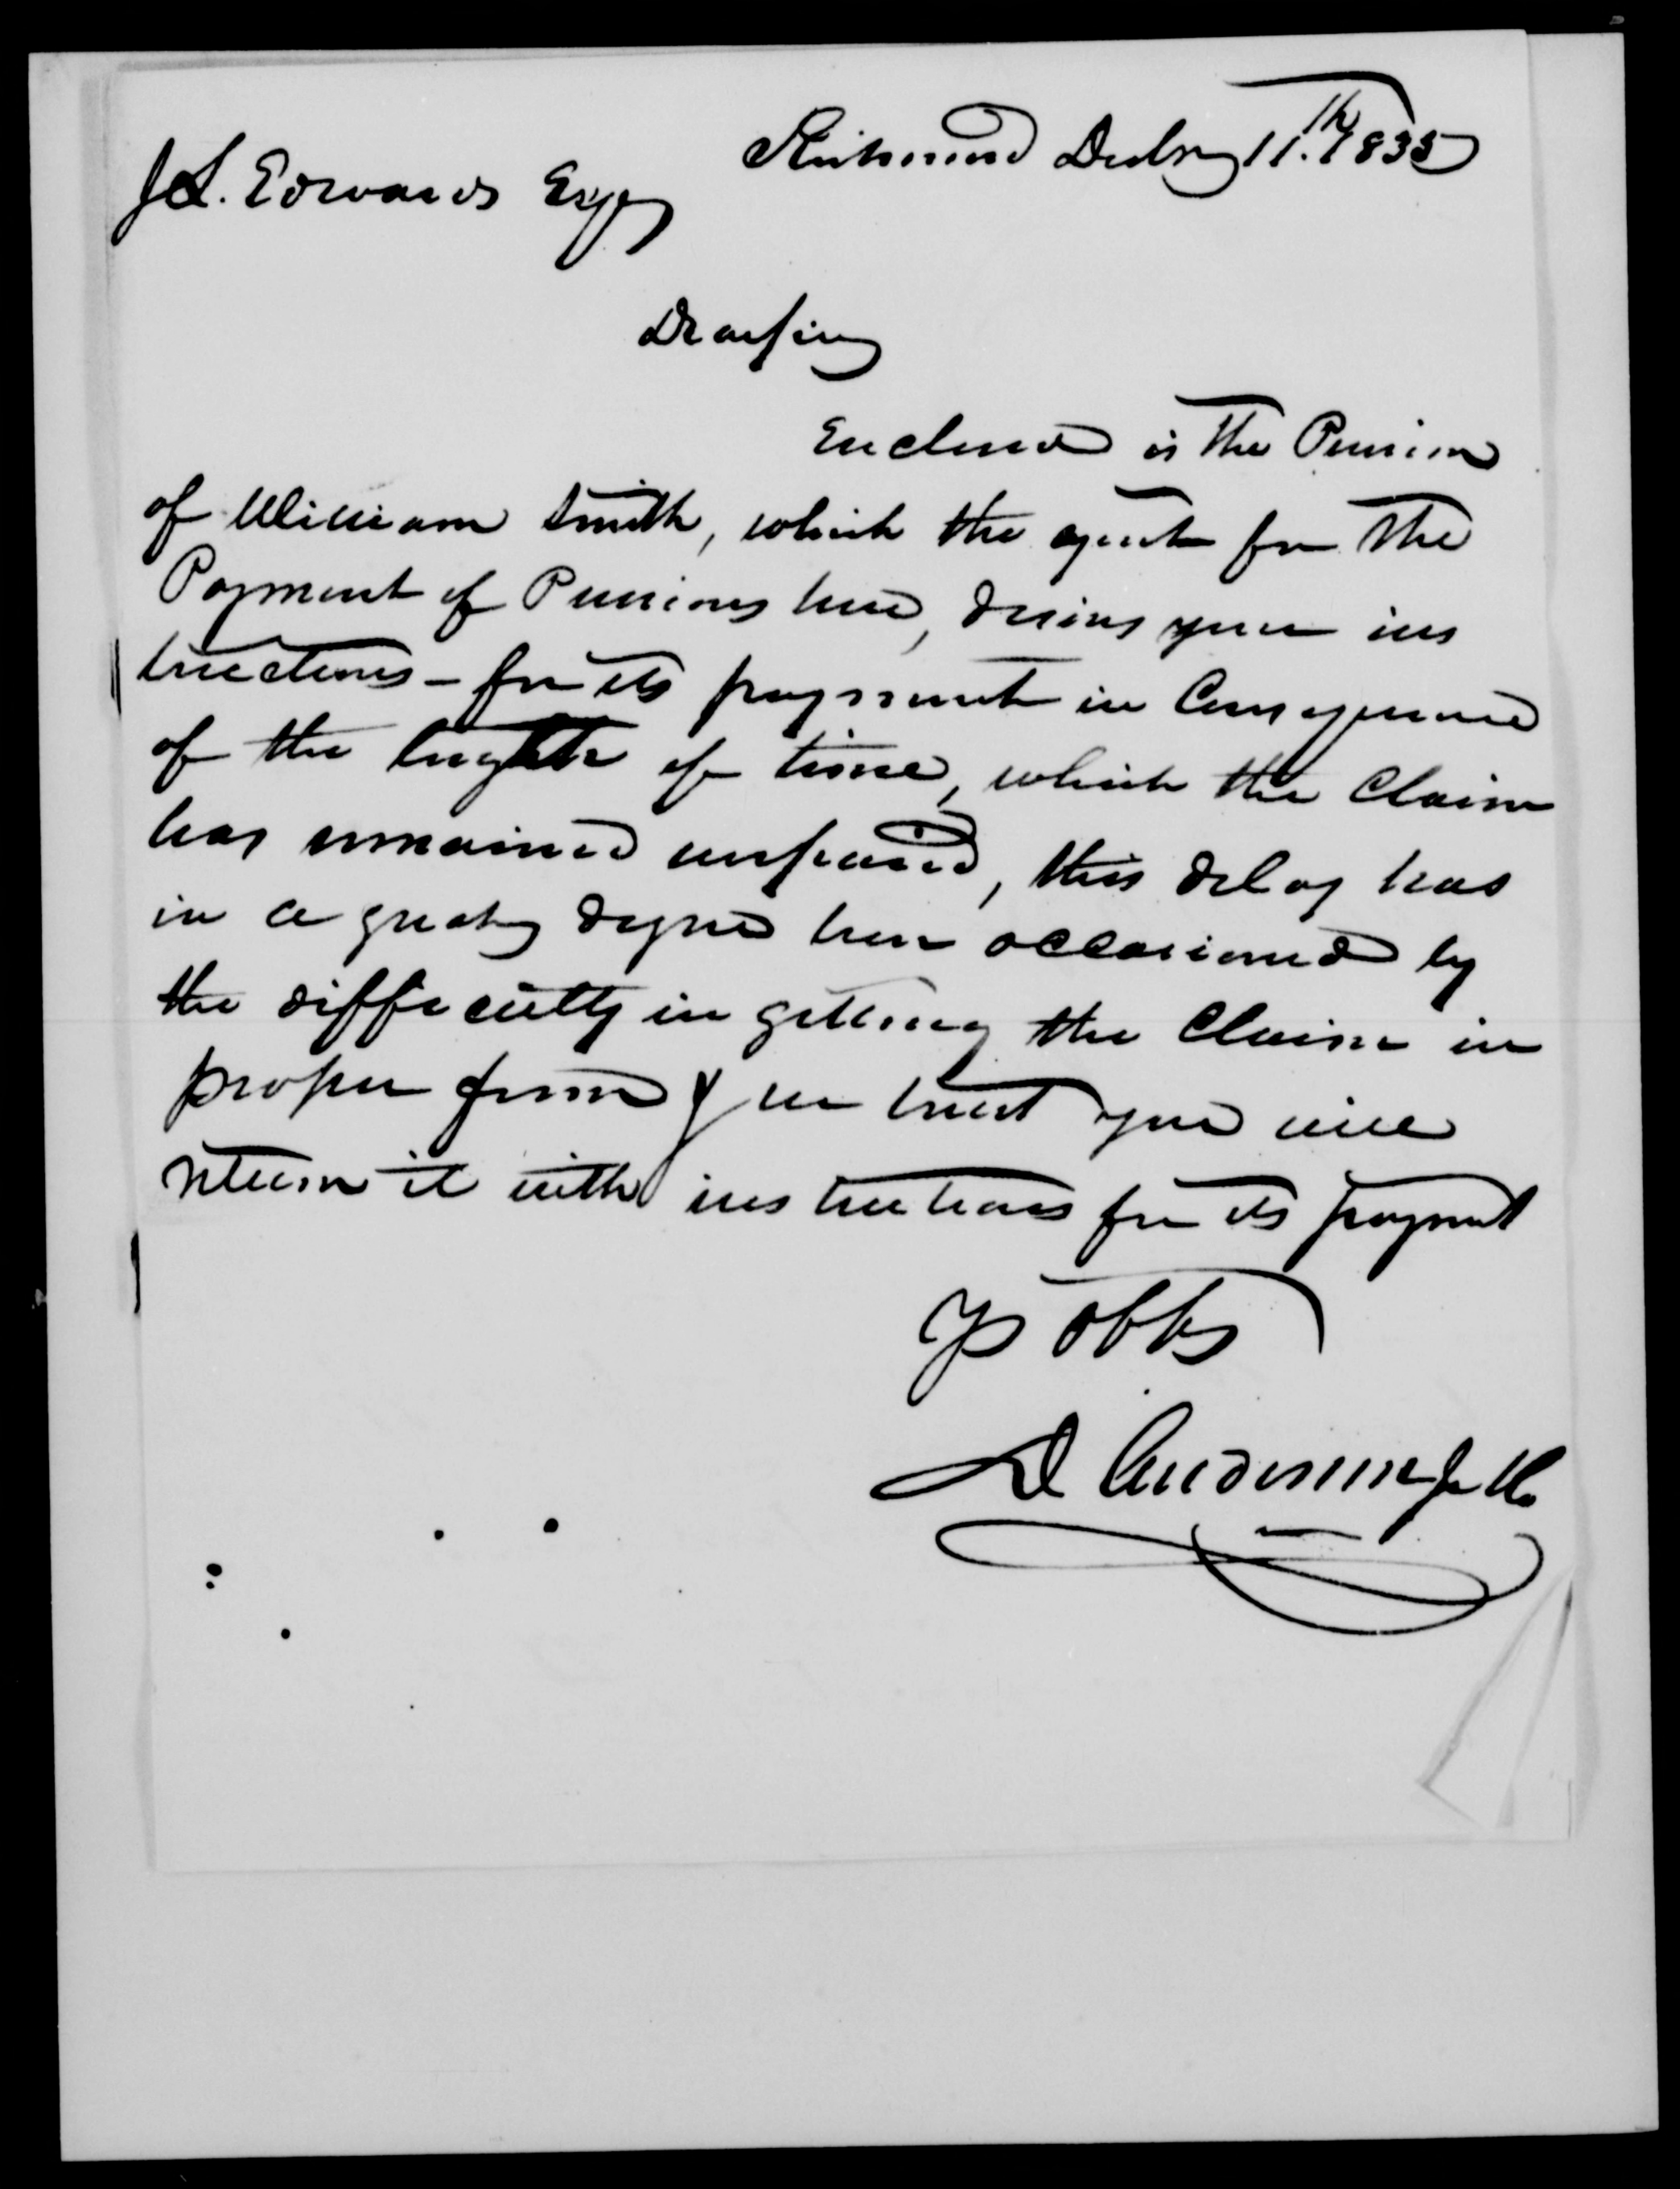Richmond Decbr 11th. 1835
J L. Edwards Esq

Dear Sir
Enclosed is the Pension of William Smith, which the agent for the Payment of Pensions here, during your instructions - for its payment in Consequence of the length of time, which the Claim has remained unpaid, this delay has in a great [illegible] been declaimed by the difficulty in getting the Claim in proper form of interest you will return it with instructions for its payment
Yr Obb
D Anderson Jr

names: D Anderson; William Smith; J L Edwards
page: 20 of 22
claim: widow's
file: W. 4,806, for William Smith, Virginia